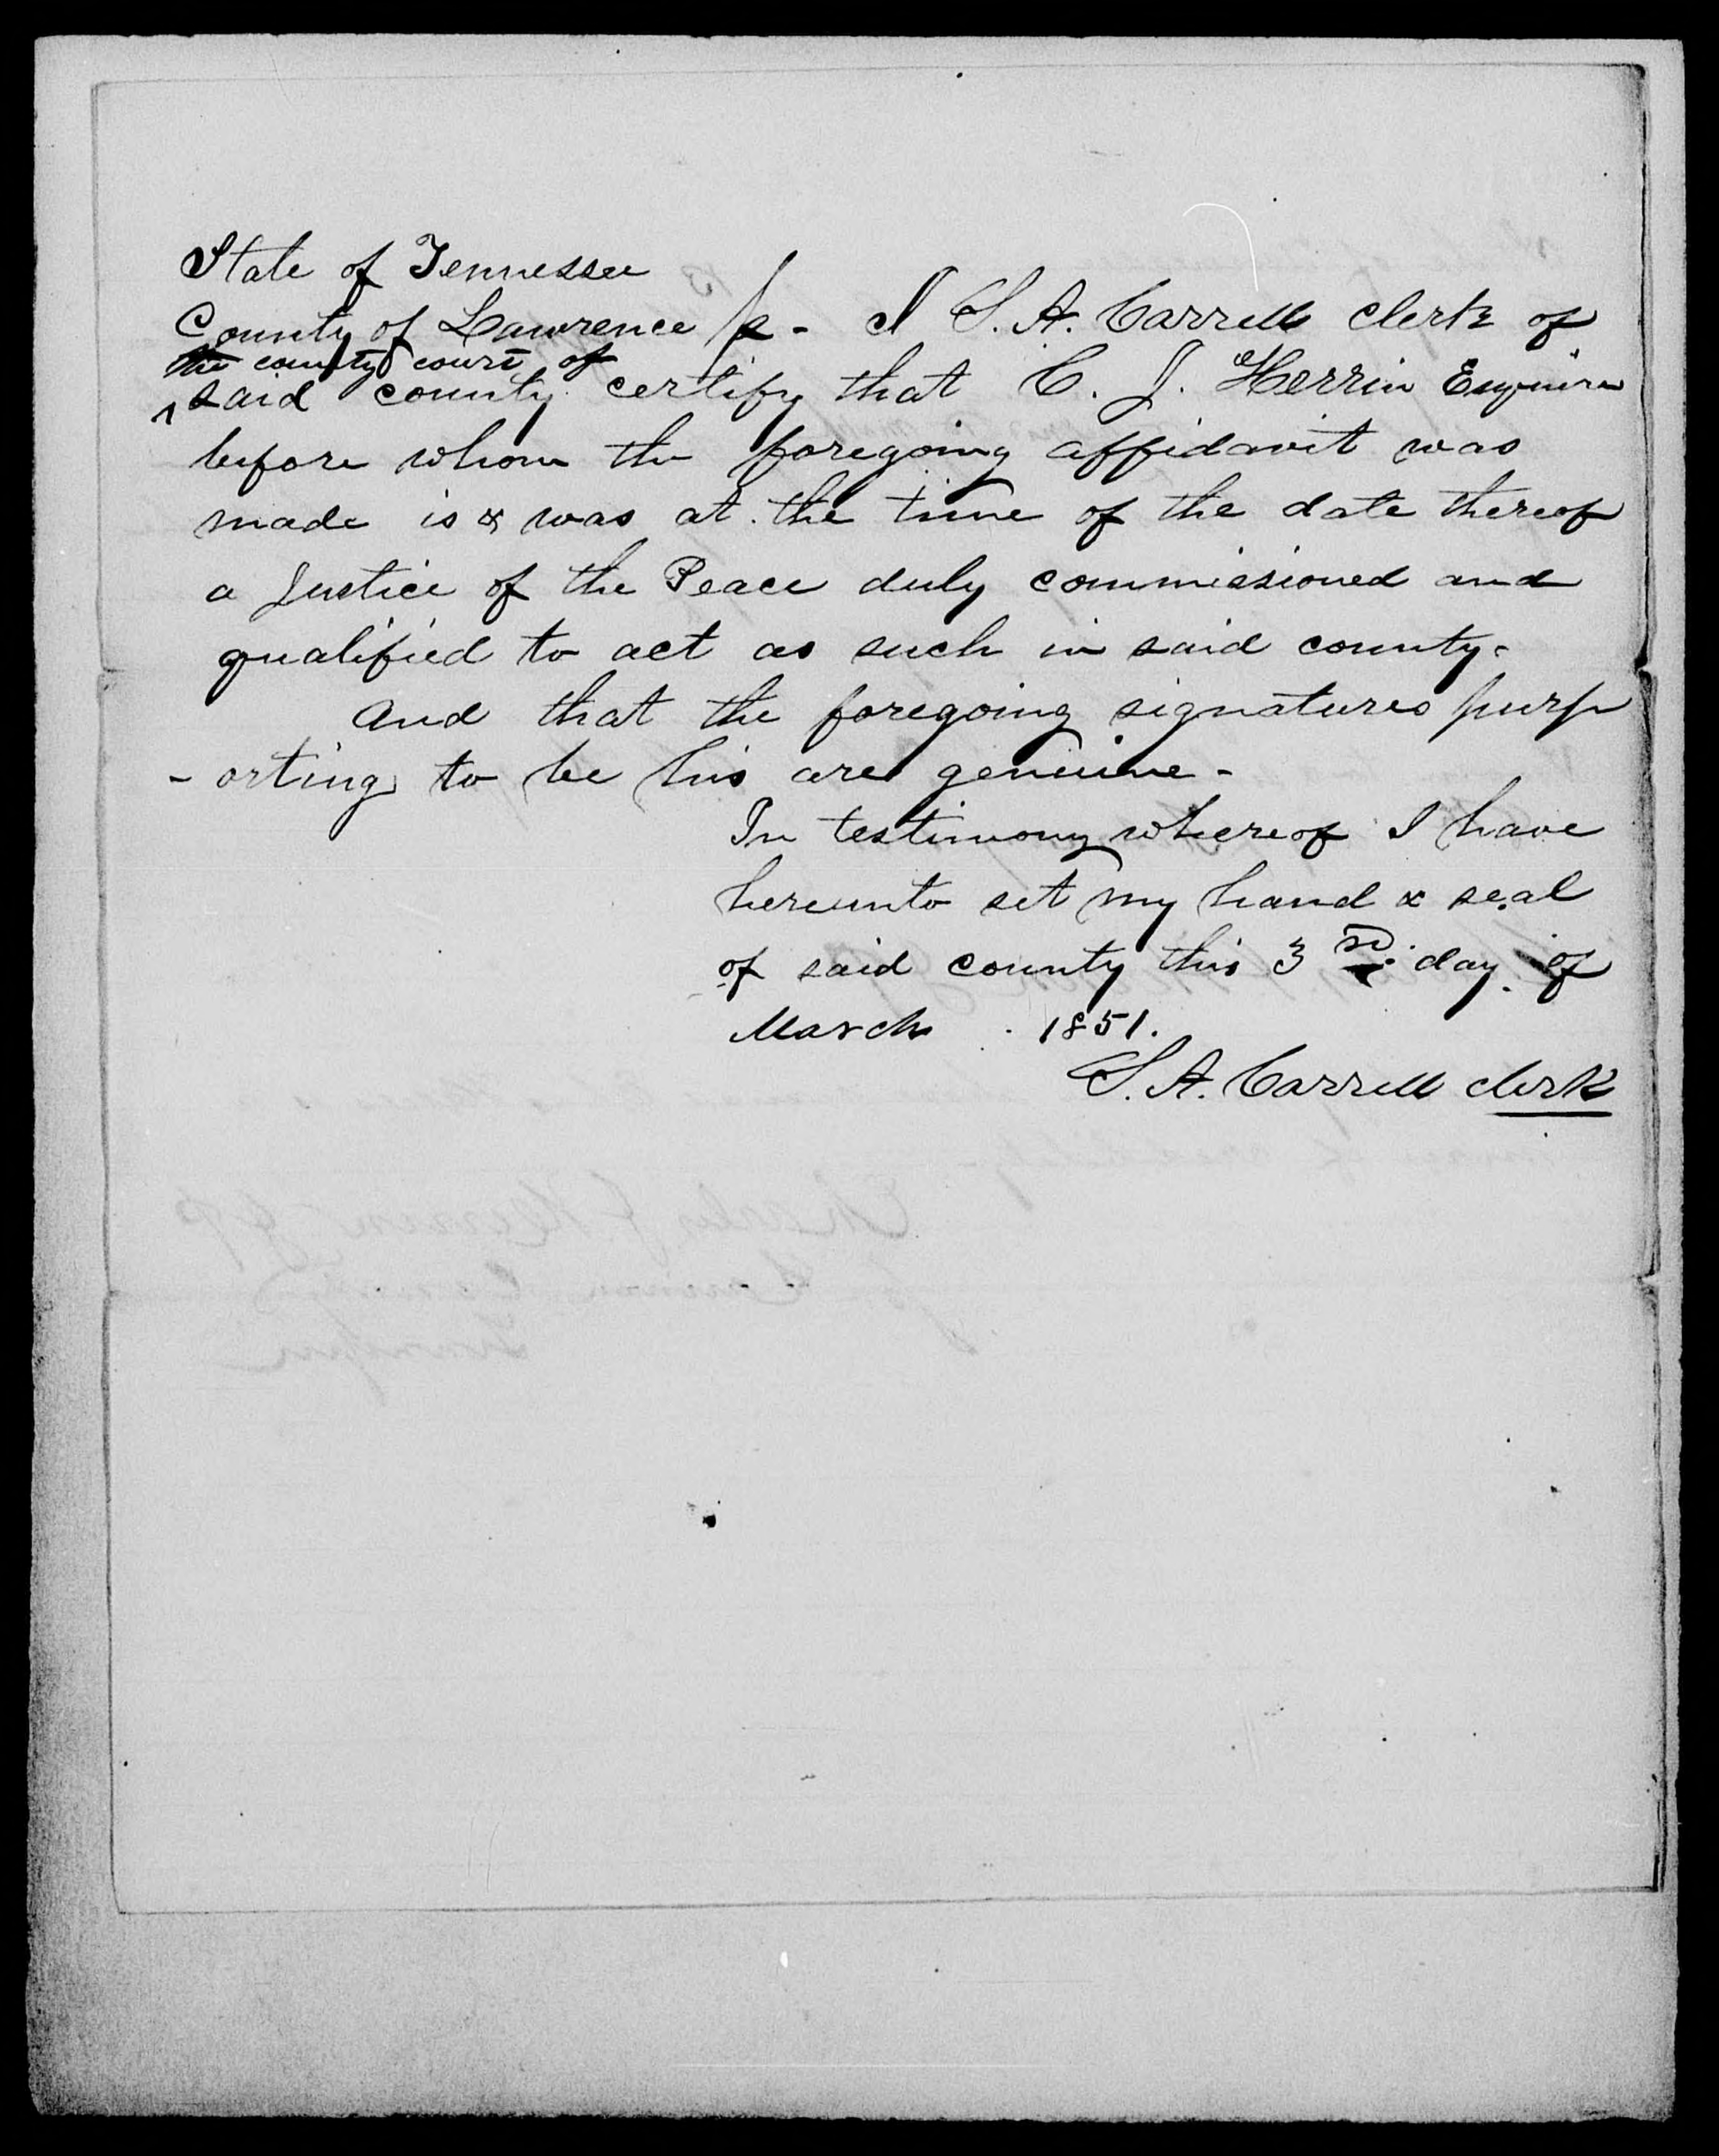State of Tennessee}
County of Lawrence} SS.   I S.A. Carrell clerk of the county court of said county certify that C. J. Herrin Esquire before whom the foregoing affidavit was made is & was at the time of the date thereof a Justice of the Peace duly commissioned and qualified to act as such in said county. And that the foregoing signatures purporting to be his are genuine.
In testimony whereof I have hereunto set my hand & seal
of said county this 3rd day of 
March 1851.
S.A. Carrell clerk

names: C J Herrin, S A Carrell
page: 8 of 24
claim: rejected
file: R. 5342, James Hues, N.C.